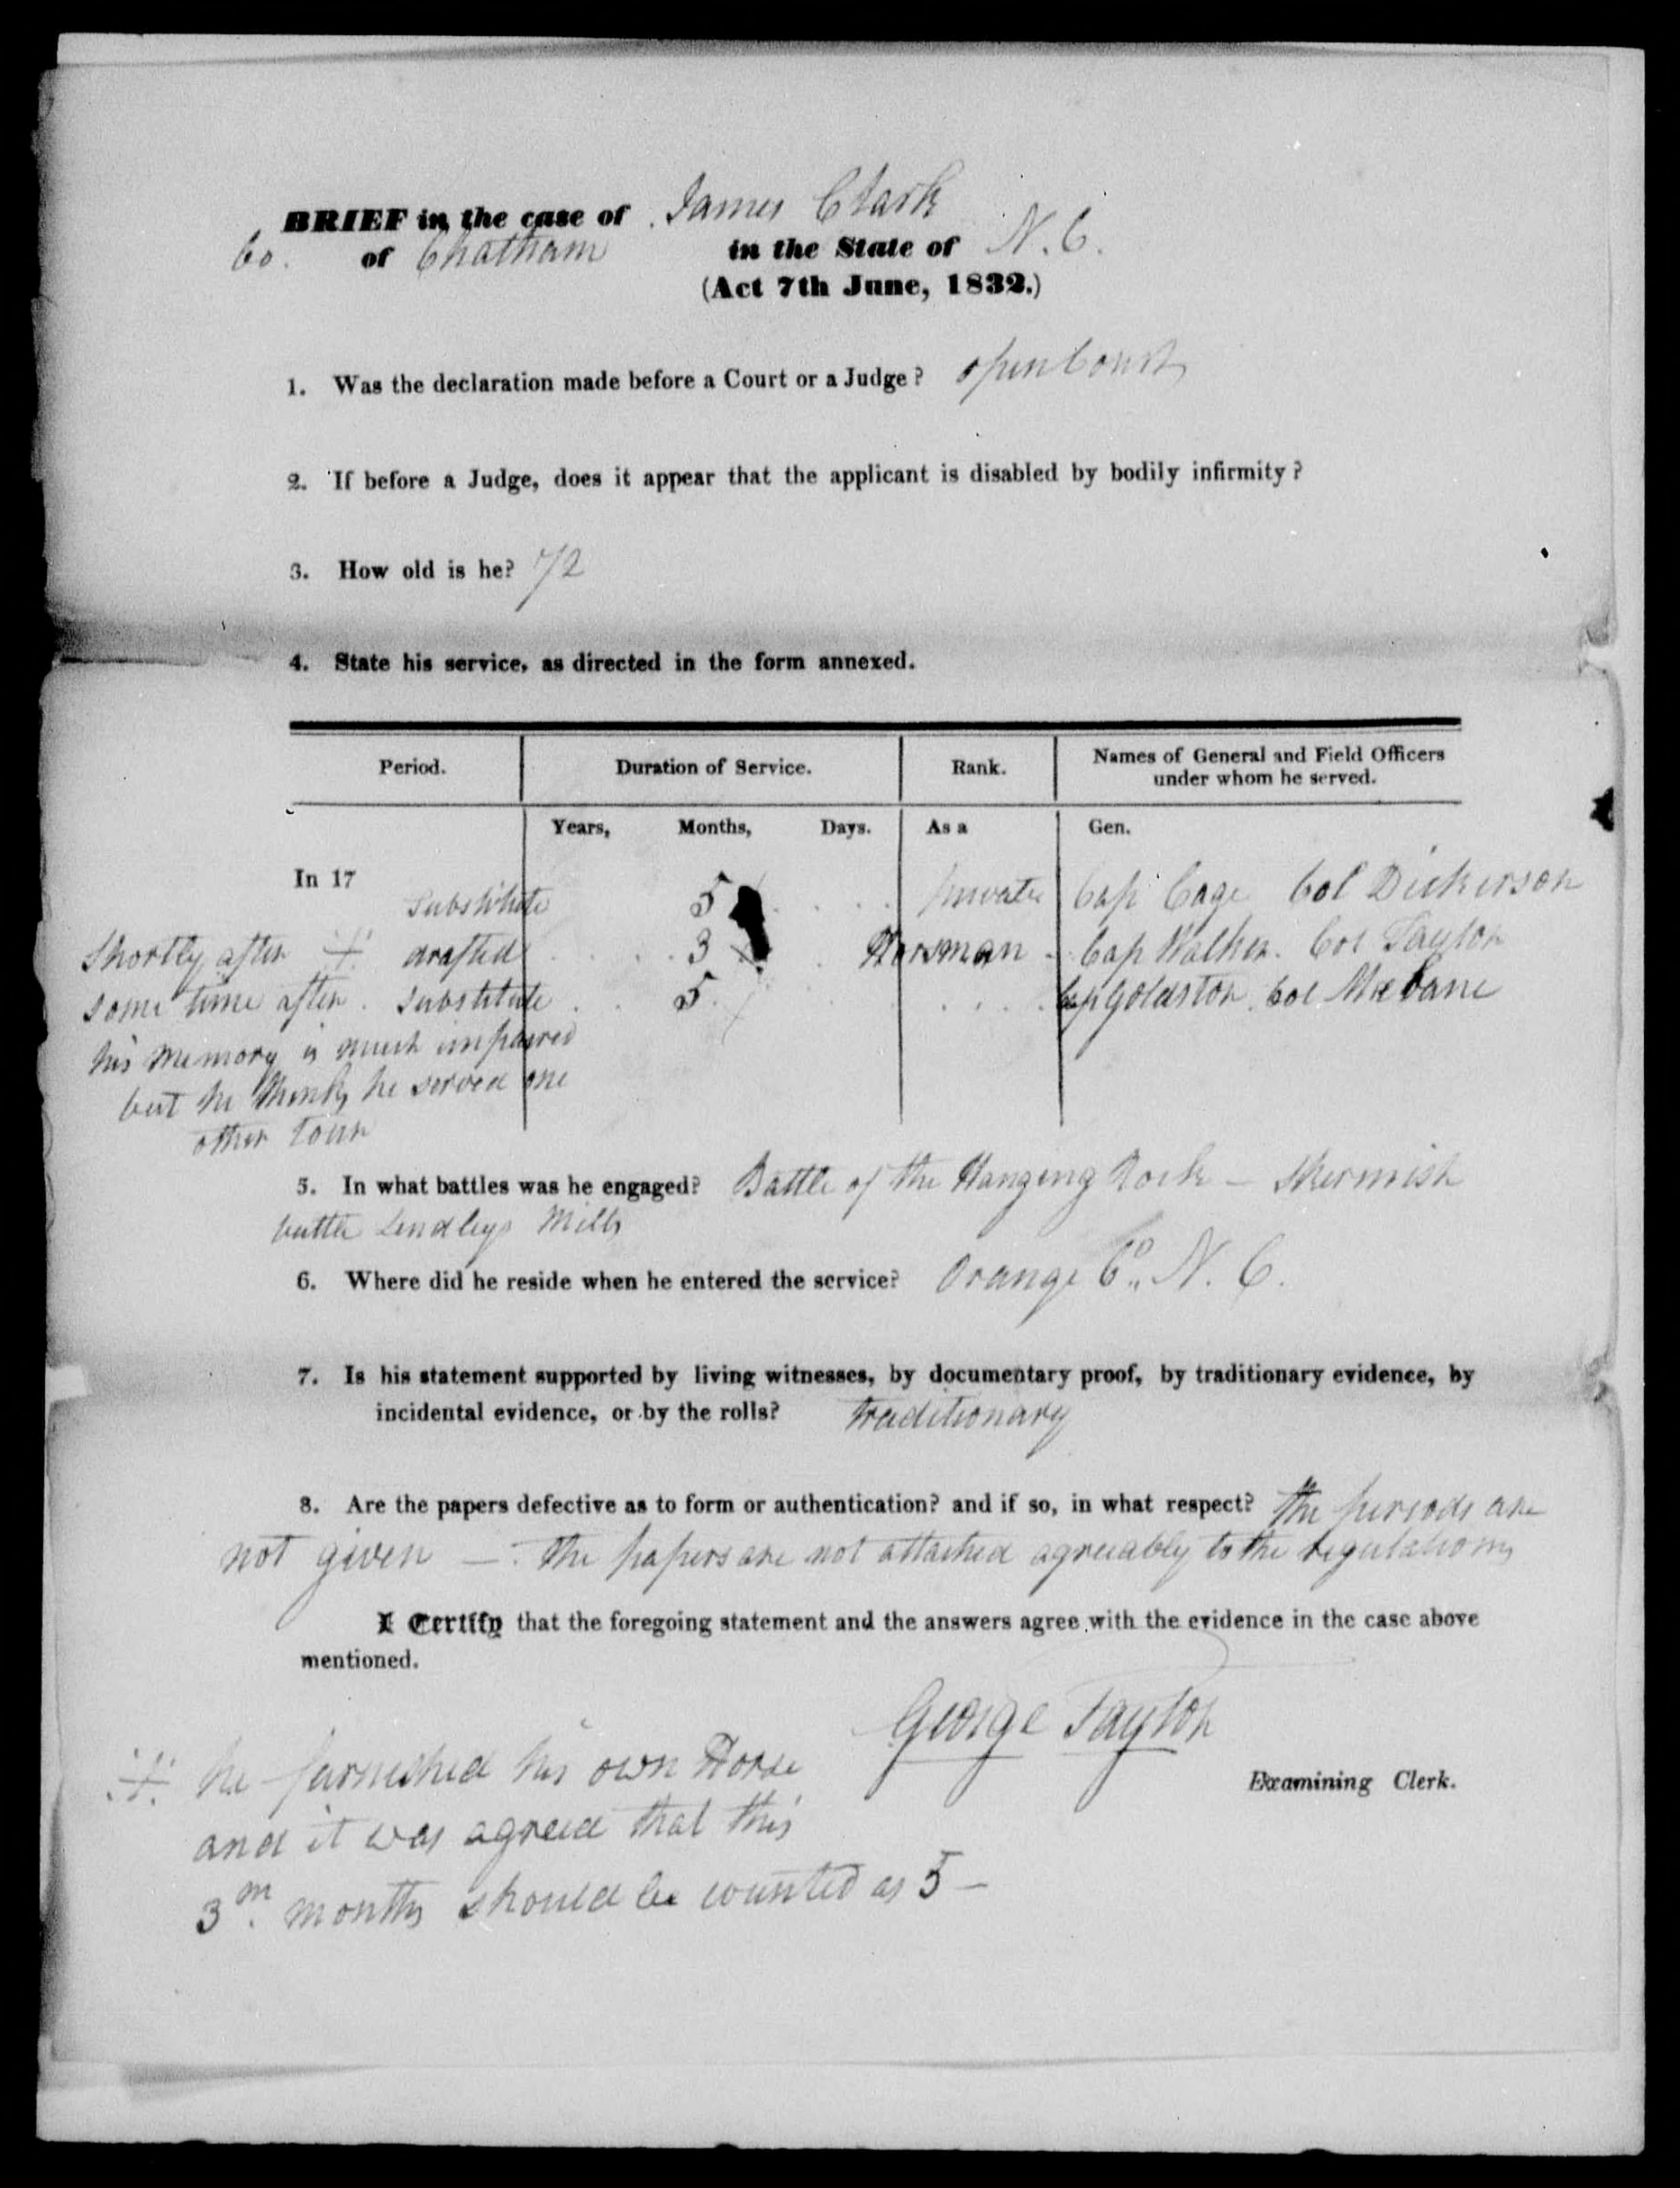BRIEF in the case of James Clark
Co. of Chatham in the State of N.C.
9Act 7th June, 1832.)

1.  Was the declaration made before a Court ora Judge?  open Court

2.  If before a Judge, does it appear that the applicant is disabled by bodily infirmity?

3.  How old is he?  72

4.  State his service, as directed in the form annexed.

Period.  Duration of Service.    Rank.  Names of General and Field Officers under whom he served.
In 17     Years, Months, Days.   As a   Gen.
Substitute......5 [Months].....[Rank}Private.....Cap Cage Col Dikerson
Shortly after [illegible] drafted ,,,,,3[months] [Rank}Horseman.....Cap Walker Col Taylor
some time after. Substitute....5 [months] Cap Goldston Col Melbane
his memory is much impaired
but he thinks he served one
other tour
5. In what battles was he engaged?  Battle of the Hanging Rock-[Rockingham] Skirmish
battle Lindleys Mill
6.  Where did he reside when he entered the service?  Orange Co. N.C.
7.  Is his statement supported by living witnesses, by documentary proof, by traditionary evidence, by
incidental evidence, or by the rolls?  traditionary
8.  Are the papers defective as to form or authentication?  and if so, in what respect?  the periods are
not given -. The papers are not attached agreeably to the regulations

I Certify that the foregoing statement and the answers agree with the evidence in the case above 
mentioned
[Cross symbol] he furnished his own Horse
an or it was agreed that this 
3on. months should be counted as 5-

George Taylor
Examining Clerk.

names: Cage, Mebane, James Clark, George Taylor, Dickerson, Goldston, Walker, Taylor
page: 10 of 16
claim: survivor's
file: S. 8207, James Clark, N.C.